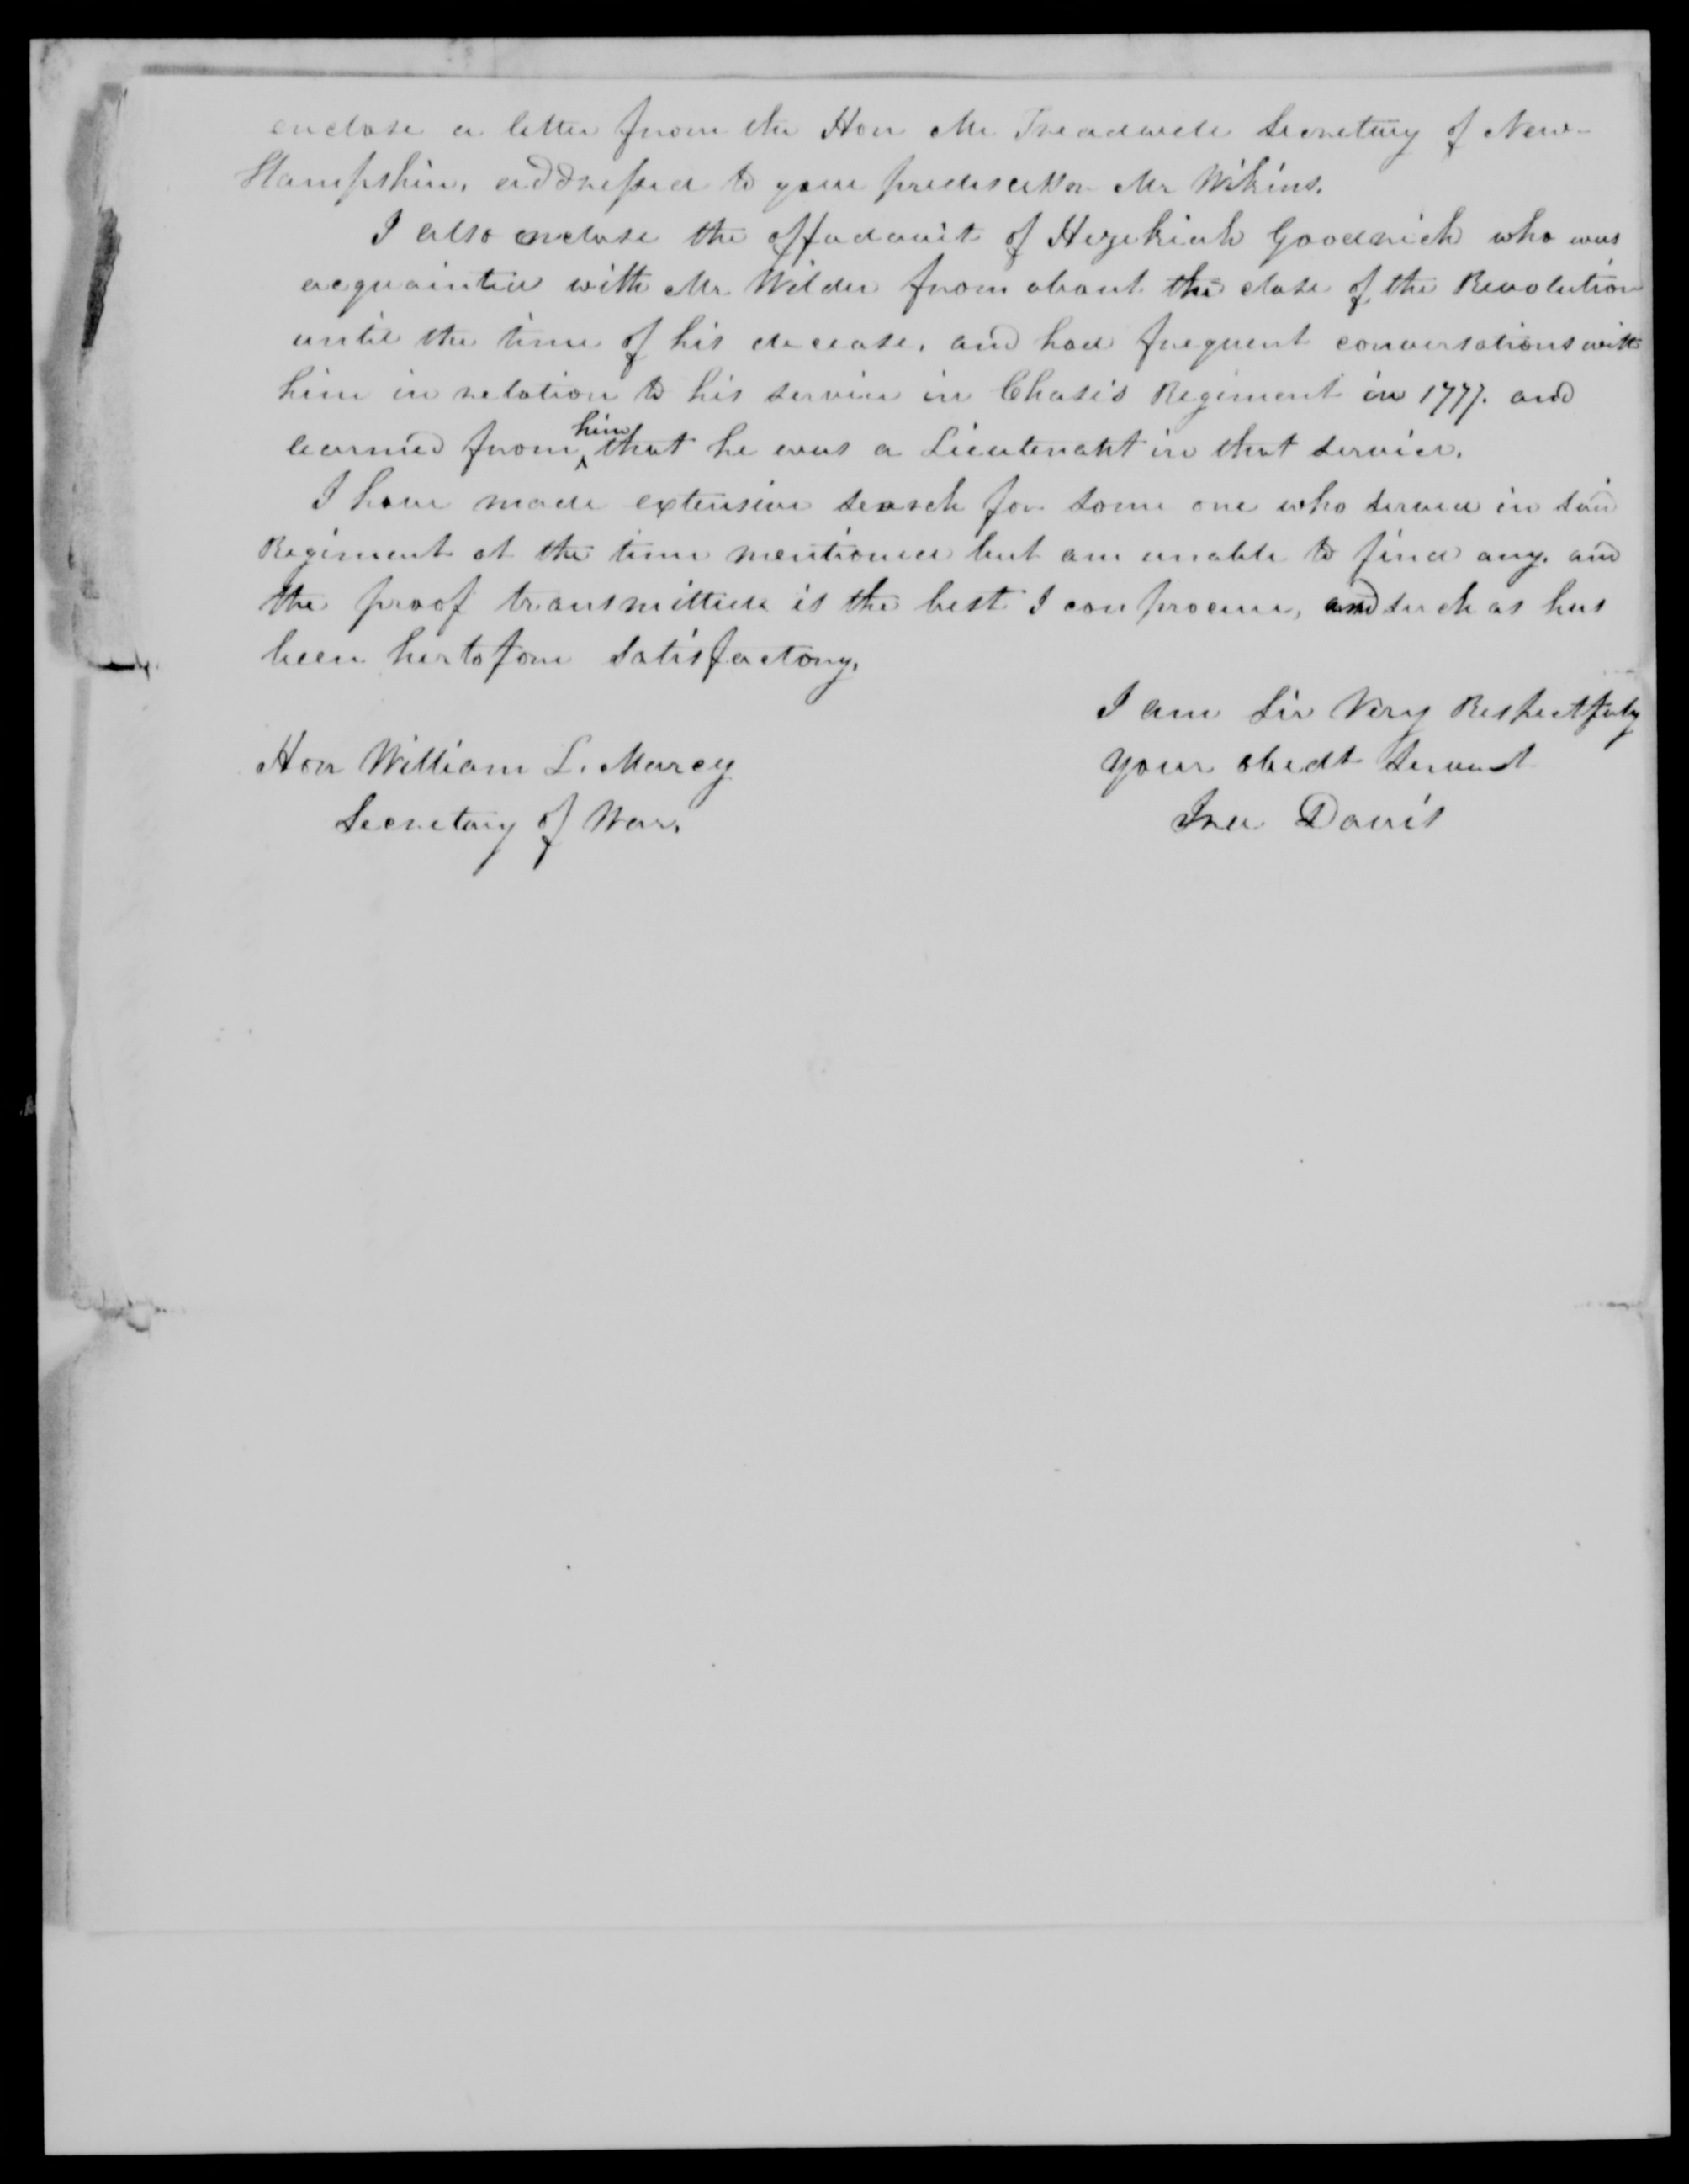enclose a letter from the Hon Mr Treadwell Secretary of New Hampshire, addressed to your predecessor Mr Wikins
I also enclose the affidavit of Hezekiah Goodrich who was
acquainted with Mr Wilder from about the close of the Revolution
until the time of his decease, and had frequent conversation with 
him in relation to his service in Chase's Regiment in 1777 and
learned from him that he was a Lieutenant in that service
I have made extensive search for some one who served in said
Regiment at the time mentioned but am unable to find any and
the proof transmitted is the best I can process, and such as has been hereto four satisfactory
Hon William L. Marcy
Secretary of War
I am Sir Very Respectfully
your obedt Servt
Ira Davis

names: Ira Davis, Wilder, Hezekiah Goodrich, William L Morey, Wikins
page: 40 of 40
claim: widow's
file: W. 18,426, Abel Wilder, Mass. N.H. Vt.